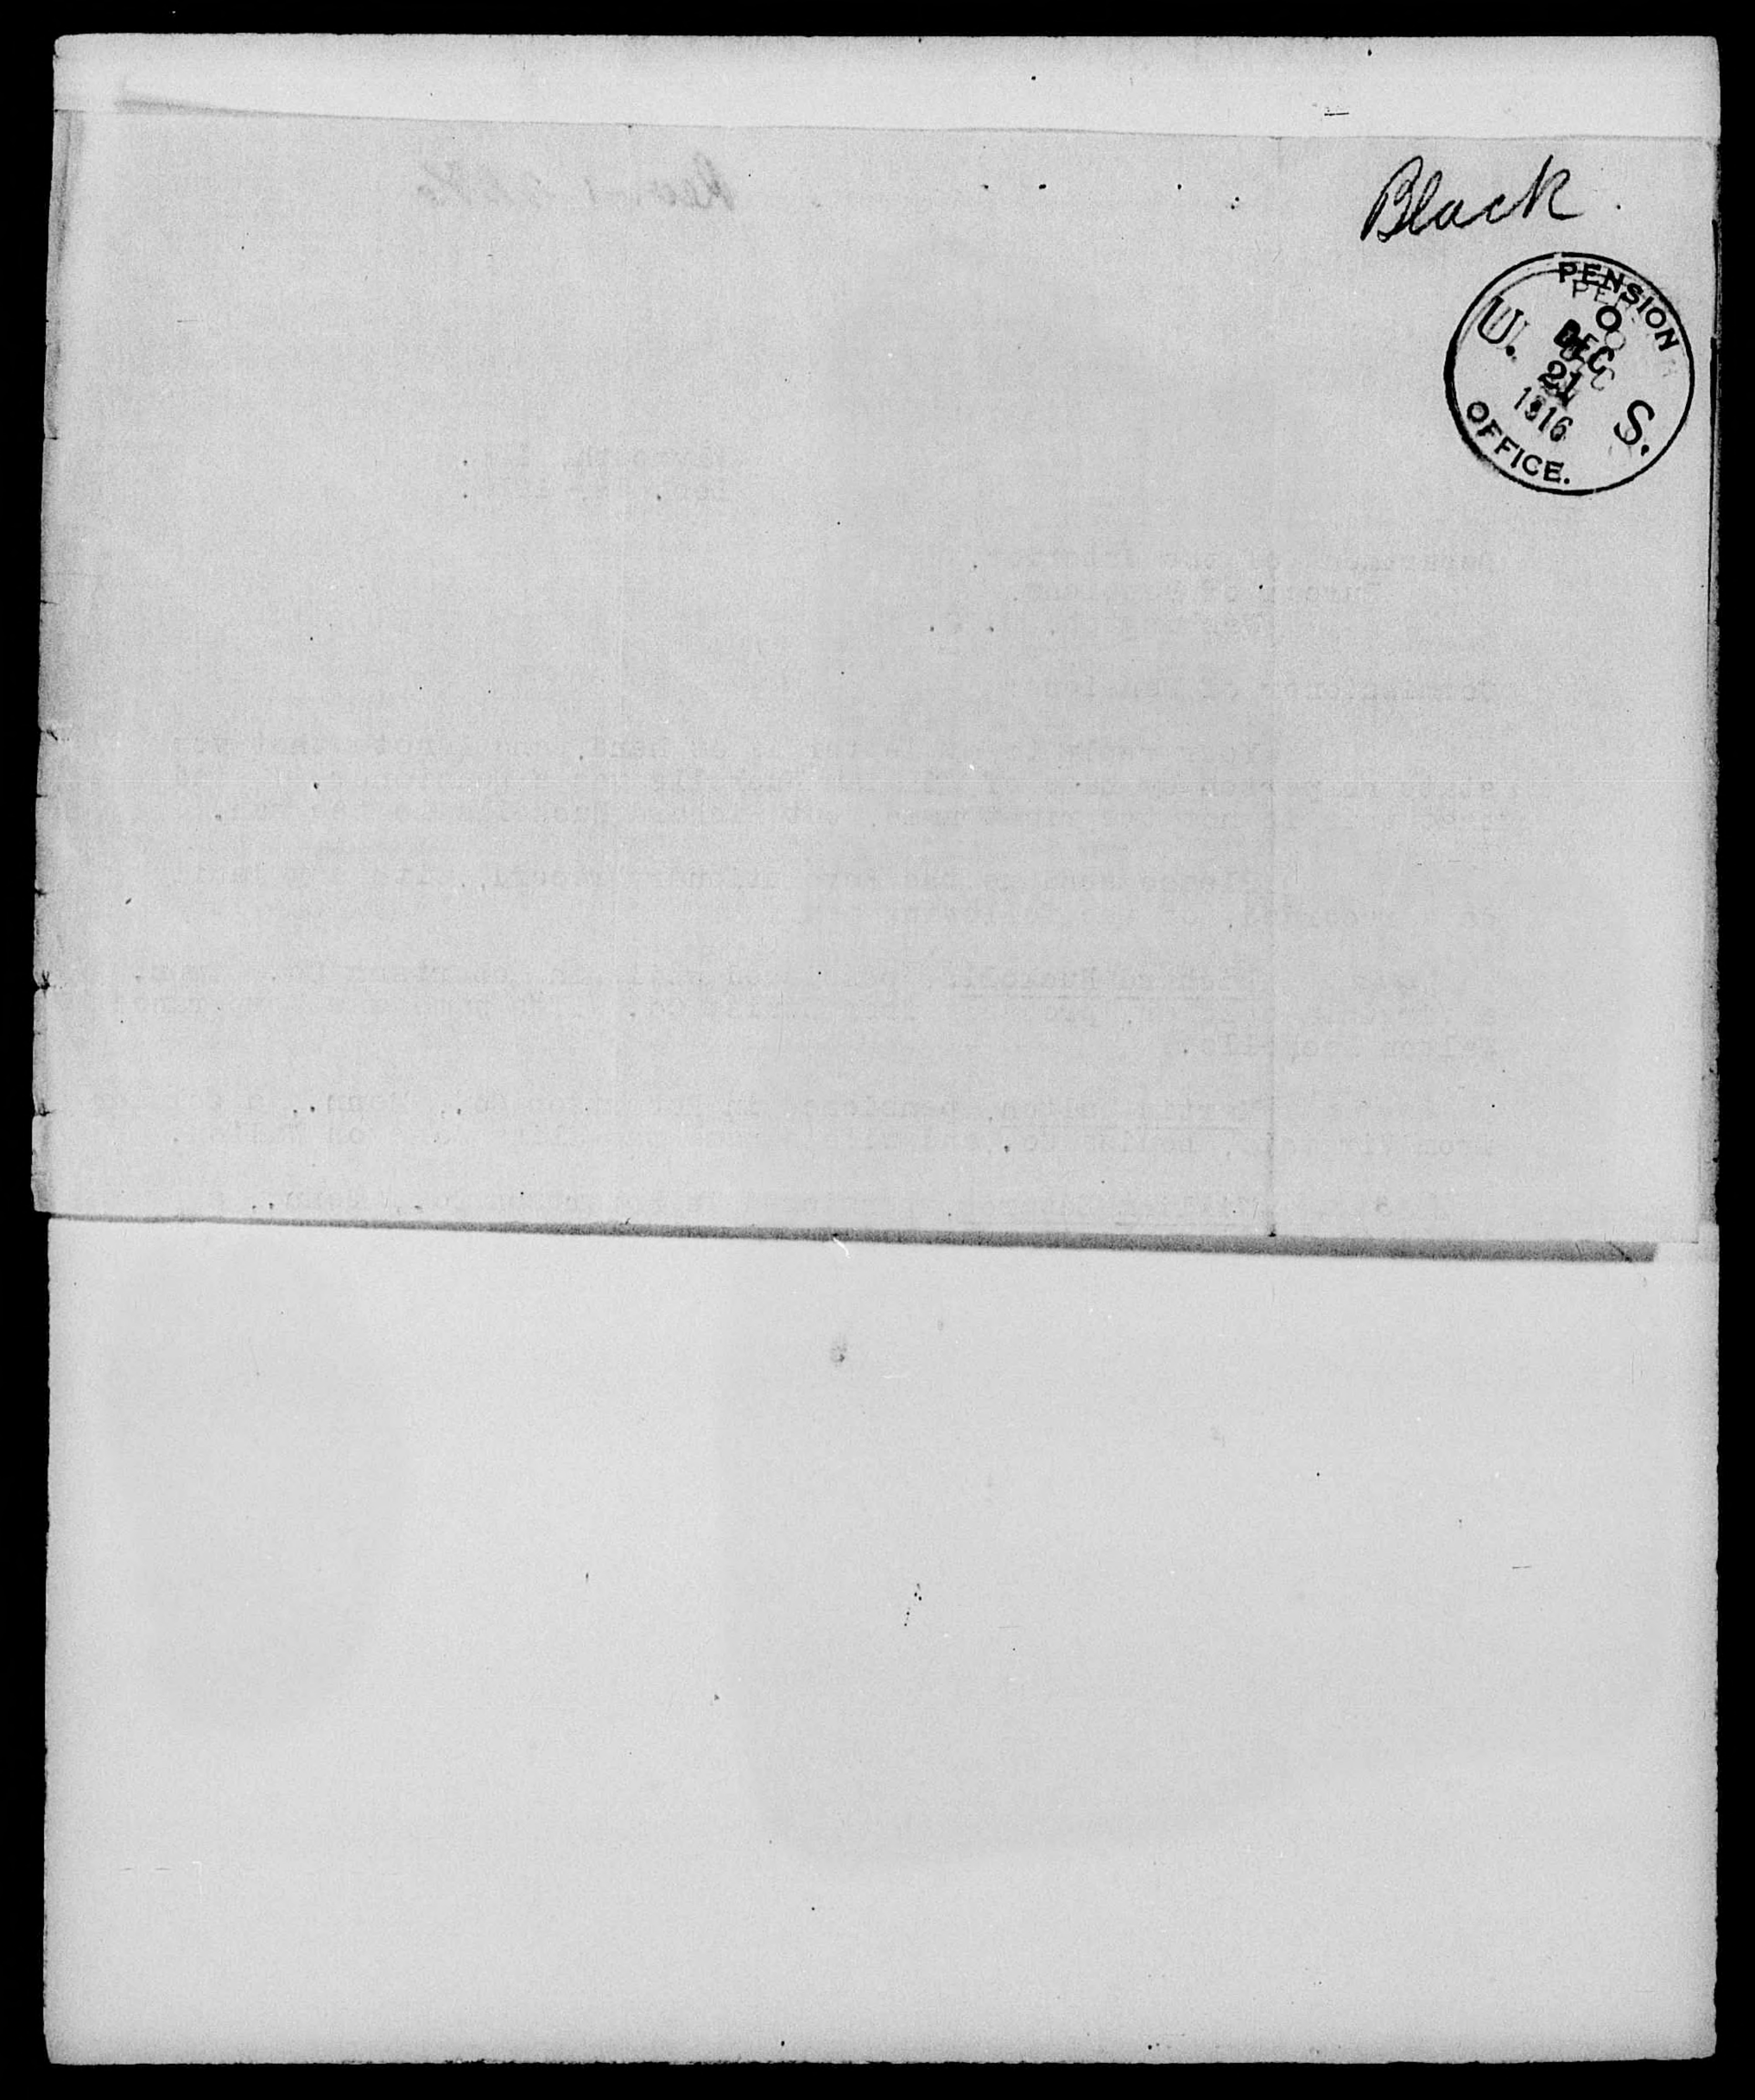Black.

[stamp]
PENSION
O
DEC
U. 21 S.
1916
OFFICE.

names: Black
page: 38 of 47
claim: survivor's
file: S. 3,322, William Edwards, Va.